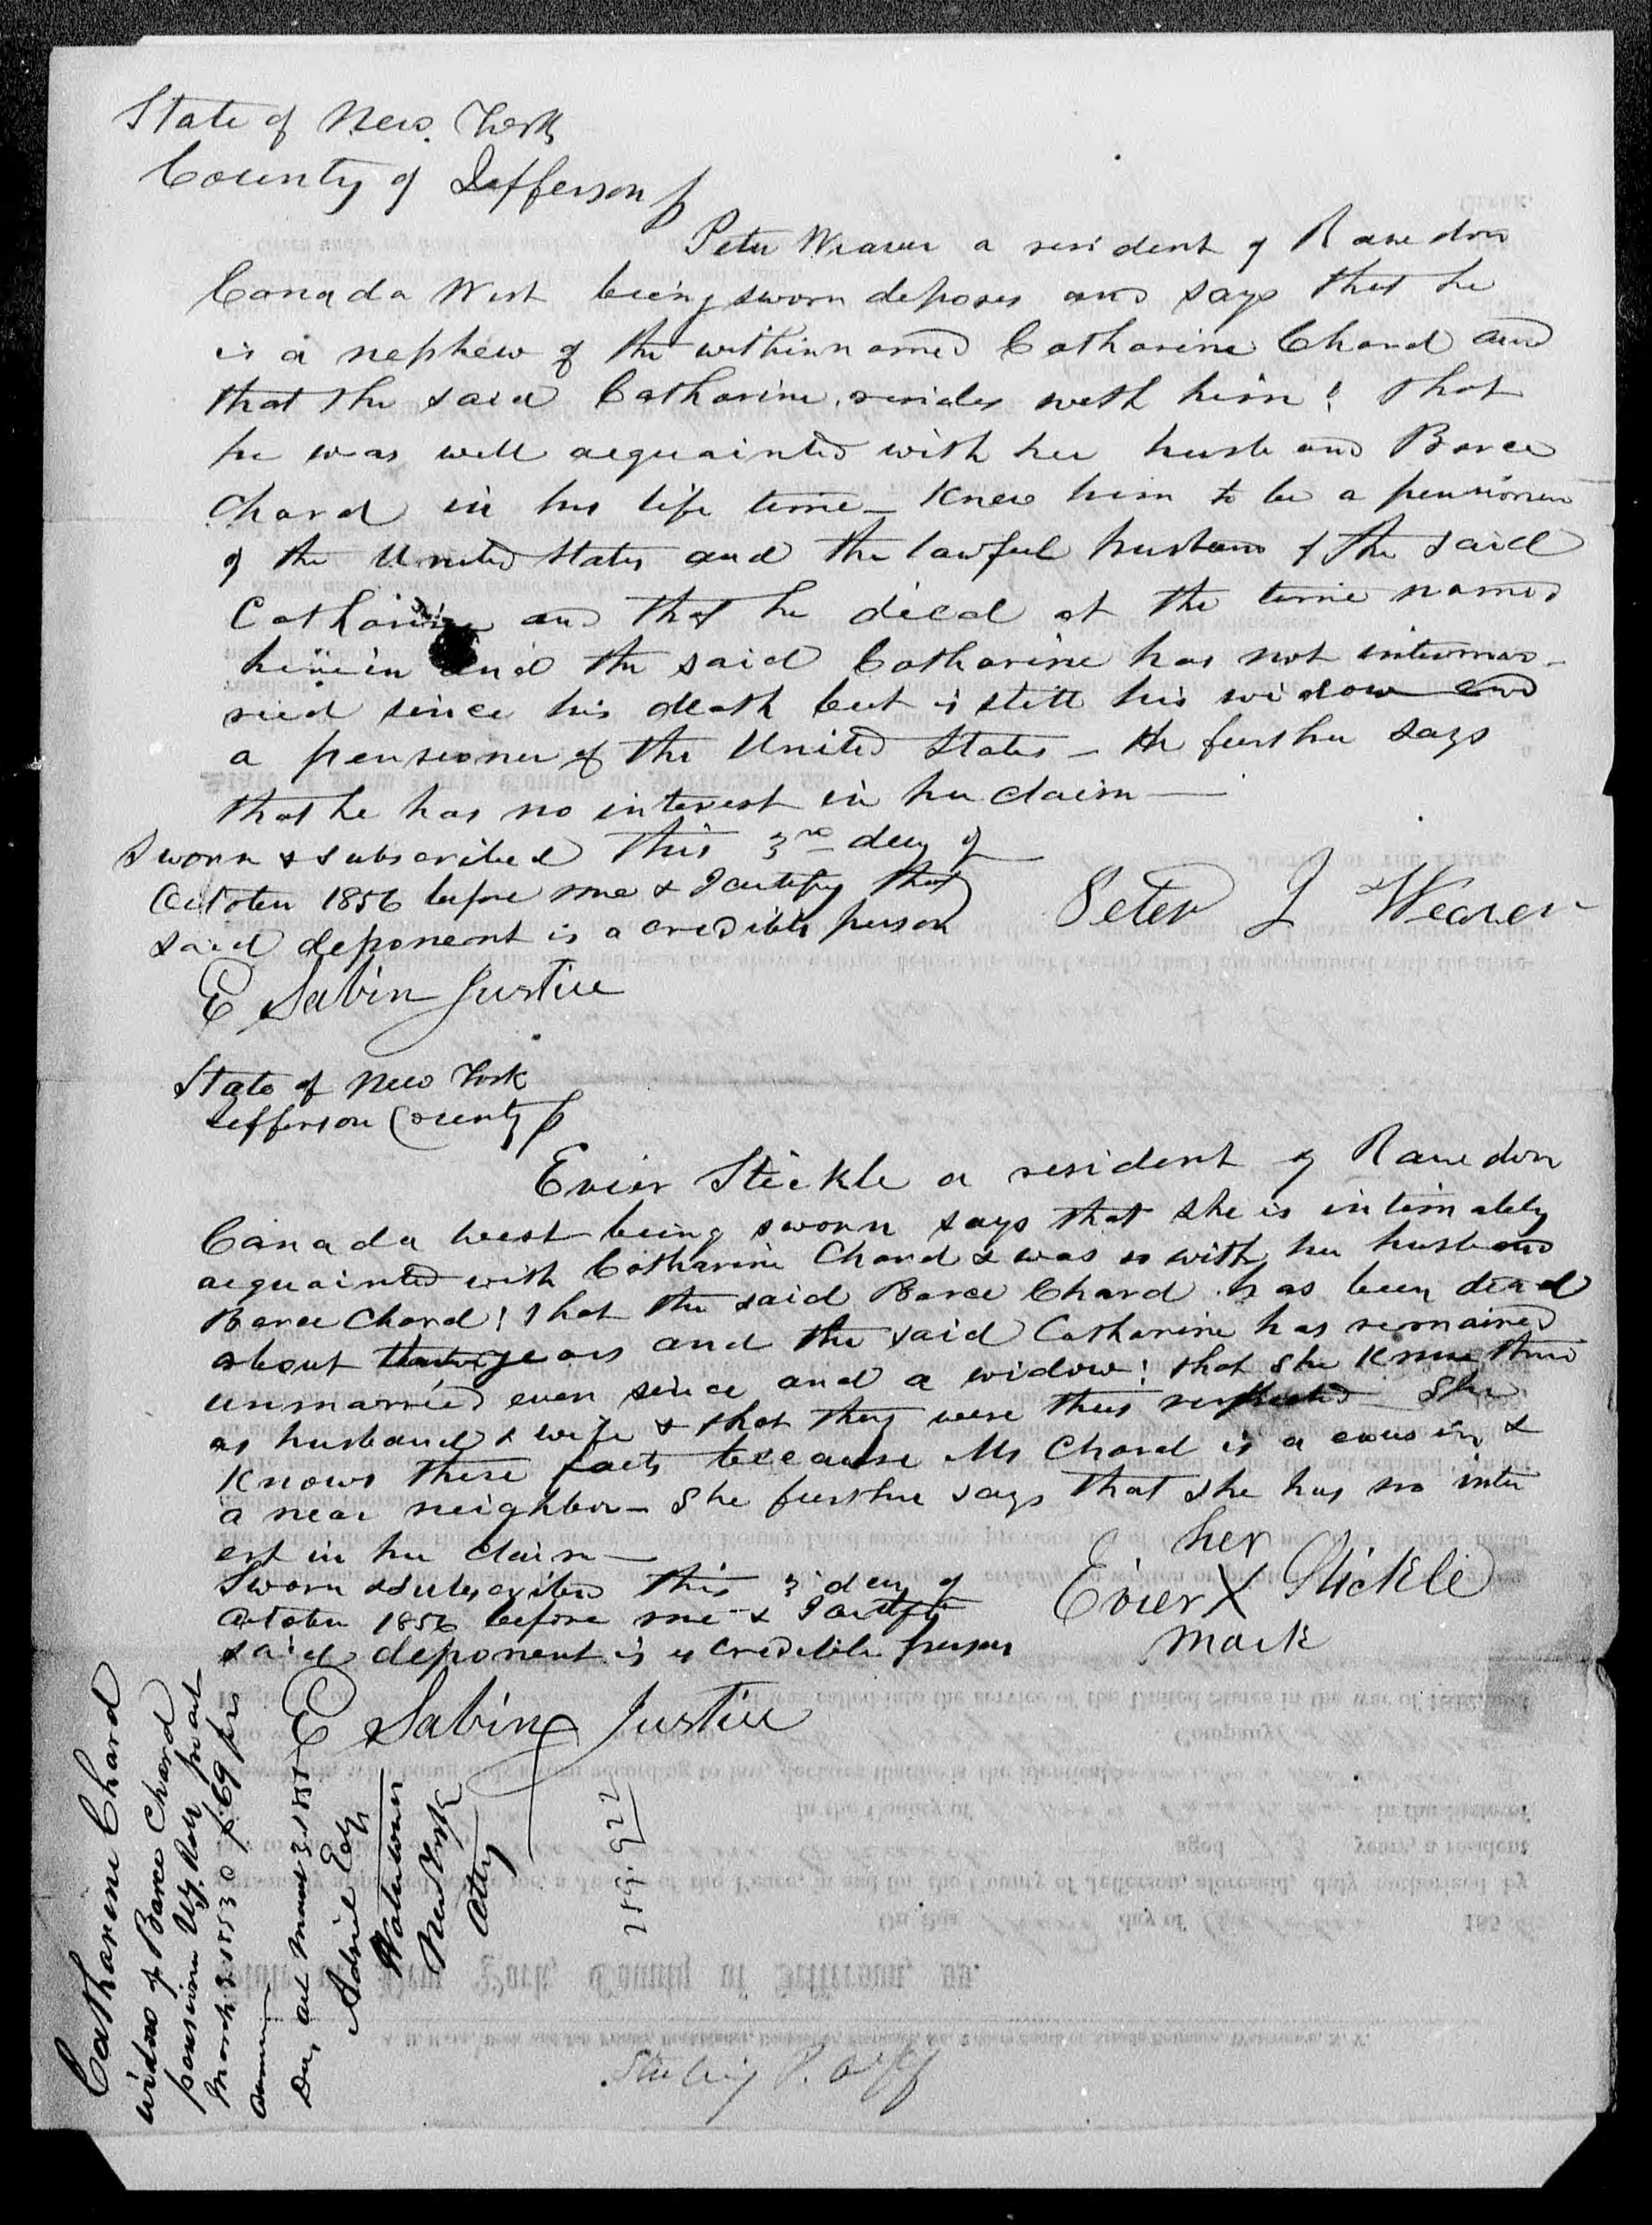State of New York 
County of Jefferson ss. 
Peter Weaver a resident of Rawdon Canada West being sworn deposes and says that he is a nephew of the within named Catharine Chard and that the said Catharine resides with him; that he was well acquainted with her husband Barce Chard in his life time -knew him to be a pensioner of the United States and the lawful husband of the said Catharine and that he died at the time named herein and the said Catharine has not intermarried since his death but is still his widow and a pensioner of the United States. He further says that he has no interest in her claim.
[Signed] Peter J Weaver 
Sworn & subscribed this 3rd day of October 1856 before me & I certify that said deponent is a credible person
[Signed] E Sabin Justice 

State of New York
Jefferson County ss. 
Evier Stickle a resident of Rawdon Canada West being sworn says that she is intimately acquainted with Catherine Chard & was so with her husband Barce Chard, that the said Barce Chard has been dead about three years and the said Catharine has remained unmarried ever since and a widow; that she knew them as husband & wife & that they were thus respected. She knows these facts because Mr Chard is a cousin & a near neighbor. She further says that she has no interest in her claim.
Evier (X her mark) Stickle
Sworn & subscribed this 3' day of October 1856 before me & I certify said deponent is a credible person 
[Signed] E Sabin Justice

S[?] by P. Off

Crosswise:
Catharine Chard
widow of Barce Chard
pensioner NY Roll per act
March 3 1853 @ $69 per annum
[illegible- Da?] Act March 3, 1853
Adriel Ely
Watertown
New York
Atty

289.922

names: Catharine, Peter J Weaver, Peter Weaver, Catharine Chard, Catharine, Barce Chard, Evier Stickle, Chard, E Sabin, Adriel Ely, Catharine Chard, Catharine, Barce Chard, Barce Chard, Barce Chard, E Sabin, Catharine Chard, Evier Stickle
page: 16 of 47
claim: widow's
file: W. 10,602, Barce Chard, New York.